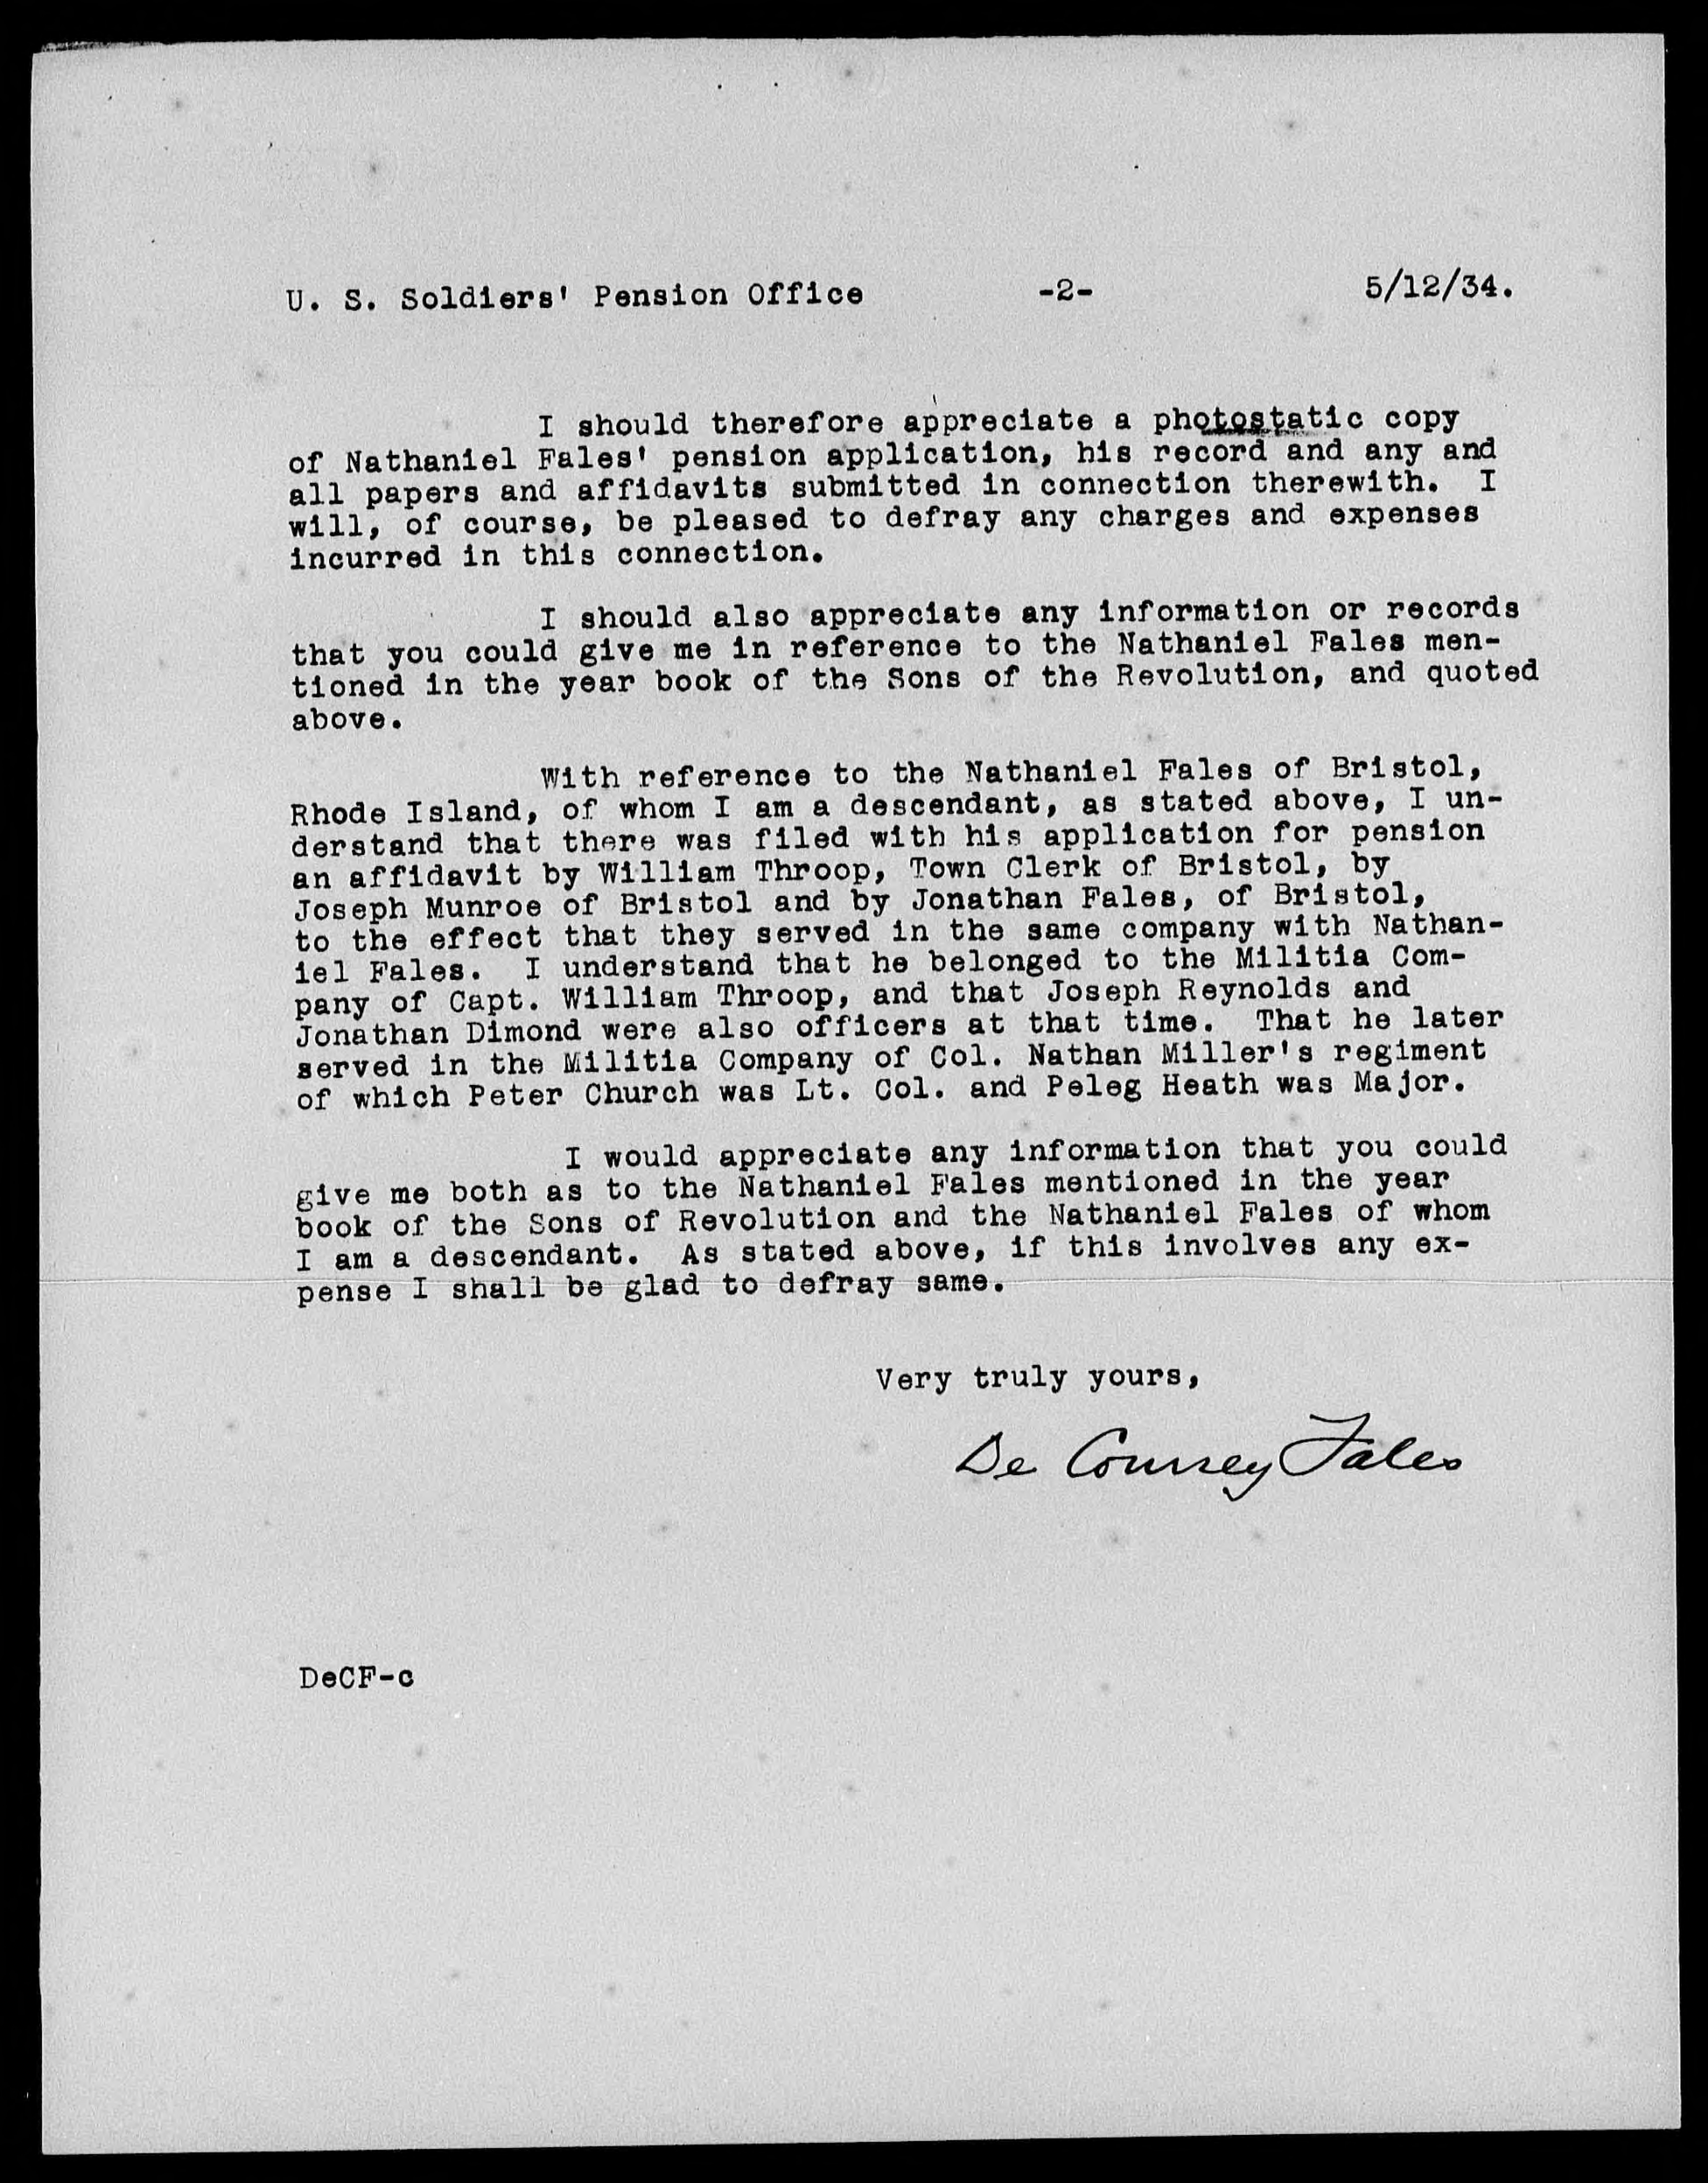U. S. Soldiers' Pension Office
5 / 12 / 34.
I should therefore appreciate a photostatic copy of Nathaniel Fales' pension application, his record and any and all papers and affidavits submitted in connection therewith. I will, of course, be pleased to defray any charges and expenses incurred in this connection.
above. I should also appreciate any information or records that you could give me in reference to the Nathaniel Fales mentioned
in the year book of the sons of the Revolution, and quoted above. 

With reference to the Nathaniel Fales of Bristol, Rhode Island, of whom I am a descendant, as stated above, I understand that there was filed with his application for pension an affidavit by William Throop, Town Clerk of Bristol, by Joseph Munroe of Bristol and by Jonathan Fales, of Bristol, to the effect that they served in the same company with Nathaniel Fales. I understand that he belonged to the Militia Company of Capt. William Throop, and that Joseph Reynolds and
Jonathan Dimond were also officers at that time. That he later served in the Militia Company of Col. Nathan Miller's regiment
of which Peter Church was Lt. Col. and Peleg Heath was Major.

I would appreciate any information that you could give me both as to the Nathaniel Fales mentioned in the year book of the Sons of Revolution and the Nathaniel Fales of whom
I am a descendant. As stated above, if this involves any expense I shall be glad to defray same.

Very truly yours,
De Couney Fales.

DeCF-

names: Nathaniel Fales, Jonathan Fales, Peleg Heath, Nathaniel Fales, Nathaniel Fales, Peter Church, Nathaniel Fales, William Throop, William Throop, Joseph Munroe, De Coursey Fales, Nathaniel Fales, Nathaniel Fales, Jonathan Dimond, Joseph Reynolds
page: 31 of 32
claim: widow's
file: W. 24,173, Nathaniel Fales, R.I.